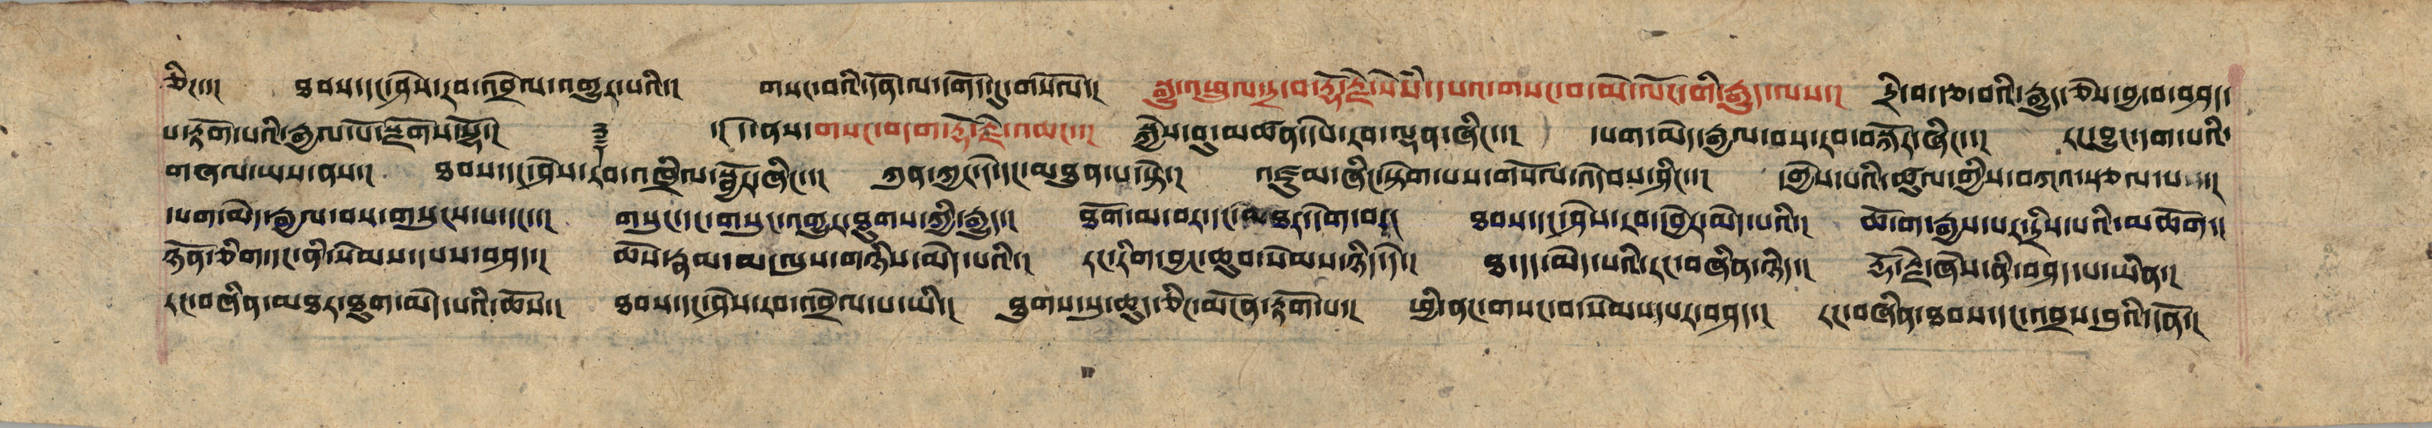ཅིང་་། ཐབས་དང་ཤེས་རབ་འབྲེལ་འགྱུར་པའི་། གསང་བའི་དོན་ལ་དགོད་དུ་གསོལ་། སྒྱུ་འཕྲུལ་དྲ་བ་རྡོ་རྗེ་སེསཾ་དཔའ་གསང་བ་མེ་ལོང་གི་རྒྱུད་ལས་། དྲི་བ་རྩ་བའི་རྒྱུད་ཅེས་བྱ་བ་བཤད་
པ་རྟོག་པའི་རྒྱལ་པོ་སྫོགས་སྷོ་། ࿑ ་། དེ་ནས་གསང་བདག་རྡོ་རྗེ་འཆང་་། སྐྱེས་བུ་མཚན་དཔེ་རབ་ལྡན་ཞིང་་། དཔག་མེད་རྒྱལ་བས་རབ་བསྐོར་ཞིང་་། རང་བྱུང་དག་པའི་
གཞལ་ཡས་ནས་། ཐབས་དང་ཤེས་རབ་འཁྲིལ་སྦྱོར་ཞིང་་། ཀུན་ཀྱང་དེ་དང་མཐུན་པ་སྟེ་། འཛུམ་ཞིང་སྟེག་པས་གསོལ་འདེབས་ཤིང་་། དགྱེས་པའི་ཚུལ་གྱིས་བཀའ་སྩལ་པས་།
དཔག་མེད་རྒྱལ་བས་གསུངས་པ་དང་་། གསུང་དང་གསུང་འགྱུར་ཐུགས་ཀྱི་རྒྱུད་། ཐོག་མ་བར་དང་མཐར་དགེ་བ་། ཐབས་དང་ཤེས་རབ་དབྱེར་མེད་པའི་། ཆོ་ག་རྒྱས་པར་དྲིས་པའི་མཆོག་།
ཉོན་ཅིག་དང་ནི་སེམས་དཔས་བཤད་། ཆོས་རྣམ་མ་ལུས་གཉིས་མེད་པའི་། རང་རིག་བྱང་ཆུབ་སེམས་ཉིད་དེ་། ཐ་དད་མེད་པའི་རང་བཞིན་ཉིད་། རྡོ་རྗེ་ཞེས་ནི་བཤད་པ་ཡིན་།
རང་བཞིན་མཐར་ཐུག་མེད་པའི་ཆོས་། ཐབས་དང་ཤེས་རབ་འབྲེལ་པ་ཡི་། ཐུགས་སུ་ཆུད་ཅིང་མངོན་རྟོག་པ་། ཕྱི་ནང་གསང་བ་སེམས་དཔར་བཤད་། རང་བཞིན་ཐབས་དང་འབྲས་བུའི་དོན་།